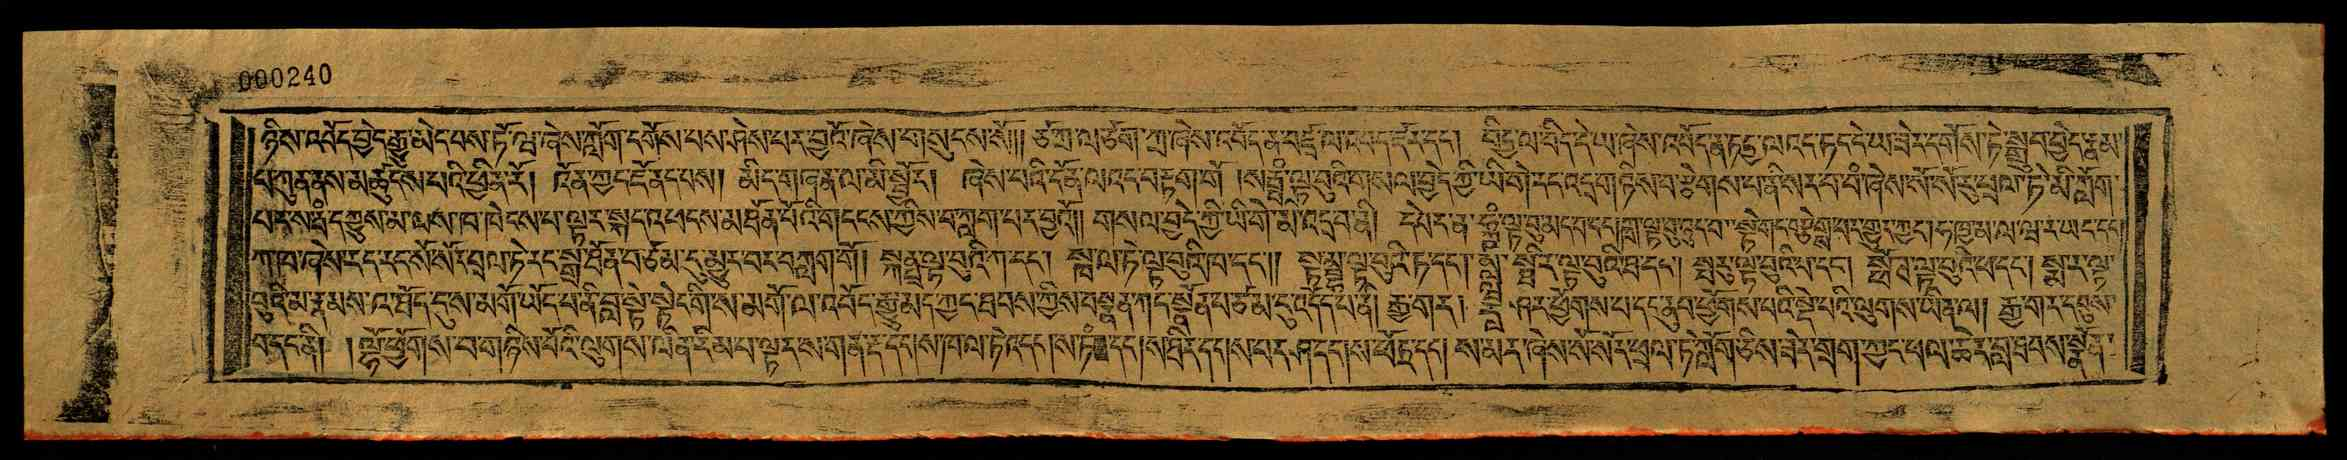ཉིས་འབོད་བྱེད་རྒྱུ་མེད་པས་ཏོ་ཝ་ཞེས་ཀློག་དགོས་པས་ཤེས་པར་བྱའི་ཞེས་གསུངས་སོ། །ཙཀྲ་ལ་ཙག་ཀ་ཞེས་འབོད་ན་བཛྲ་ལ་འབད་ཛར་དང་། བིདྱ་ལ་བིད་དེ་ཡ་ཞེས་འབོད་ན་ཏདྱ་ལའང་ཏད་དེ་ཡ་ཟེར་དགོས་ཏེ་སྒྲུབ་བྱེད་རྣམ་
པ་ཀུན་ནས་མཚུངས་པའི་ཕྱིར་རོ། འོན་ཀྱང་ཇོ་ནང་པས། མིང་གཞན་ལ་མི་སྦྱོར། ཞེས་པའི་དོན་ལའང་བརྟག་གོ །སརྦྦཾ་ལྟ་བུའི་གསལ་བྱེད་ཀྱི་ཡི་གེ་རང་འདྲ་གཉིས་བརྩེགས་པ་ནི་སར་བ་བཾ་ཞེས་སོ་སོ་རུ་ཕྲལ་ཏེ་མི་ཀློག་
པར་སརྦ་དཀྱུས་མ་ལས་ཁ་ཁེངས་པ་ལྟར་སྐད་འཕངས་མཐོན་པོའི་གདངས་ངས་ཀྱུས་བཀླག་པར་བྱའོ།། གསལ་བྱེད་ཀྱི་ཡི་གེ་མ་འདྲ་བ་ནི། དཔེར་ན་ཧྐྵྨླྭྲླཾ་ལྟ་བུ་མང་བ་དང་། ཀྑ་ལྟ་བུ་ཉུང་བ་་་སྟེ་གང་བརྩེགས་པར་གྱུར་ཀྱང་། ཧ་ཁྱབ་ལ་ཝར་ཡང་དང་།
ཀ་ཁ་ཞེས་རང་རང་སོ་སོར་བྲལ་ཏེ་རང་སྒྲ་ཐོན་པ་ཙམ་དུ་མྱུར་བར་བཀླག་གོ། སྐནྡྷ་ལྟ་བུའི་ཀ་དང་། སྑ་ལ་ཏེ་ལྟ་བུའི་ཁ་དང།། སྟམྦྷ་ལྟ་བུའི་ཏ་དང་། མལྭ་སྠ་རི་ལྟ་བུའི་ཐ་དང་། སྤརྴ་ལྟ་བུའི་པ་དང་། སྥ་ཊ་ལྟ་བུའི་ཕ་དང་། སྨ་ར་ལྟ་
བུའམ་རྣམས་ལ་ཐོད་དུ་ས་མགོ་ཡོད་པ་ནི་བླ་སྟེ་སྟེང་གི་ས་མགོ་ལ་འབོད་རྒྱུ་མེད་ཀྱང་ཐབས་ཀྱིས་བསྣན་ཀར་སྨོན་པ་ཙམ་དུ་འདོད་པ་ནི། རྒྱ་གར་ཤར་ཕྱོགས་པ་དང་ནུབ་ཕྱོགས་པའི་སྡེ་ལུགས་ཡིན་ལ། རྒྱ་གར་དབུས་
པ་དང་ནི། །ལྷོ་ཕྱོགས་པ་གཉིས་པོའི་ལུགས་ལ་ནི་རིམ་པ་ལྟར་ས་ཀན་རྡ་དང་། ས་ཁ་ལ་ཏེའ་དང་། ས་ཏི་རྦ་དང་། པ་ཐིར་དང་། ས་པར་ཤ་དང་། ས་ཕོ་ཏྲ་དང་། ས་མ་ར་ཞེས་སོ་སོར་ཕྲལ་ཏེ་ཀློག་ཅེས་ཟེར་གྲག་ཀྱང་ཕལ་ཆེར་བླ་ཐབས་སྣོན་